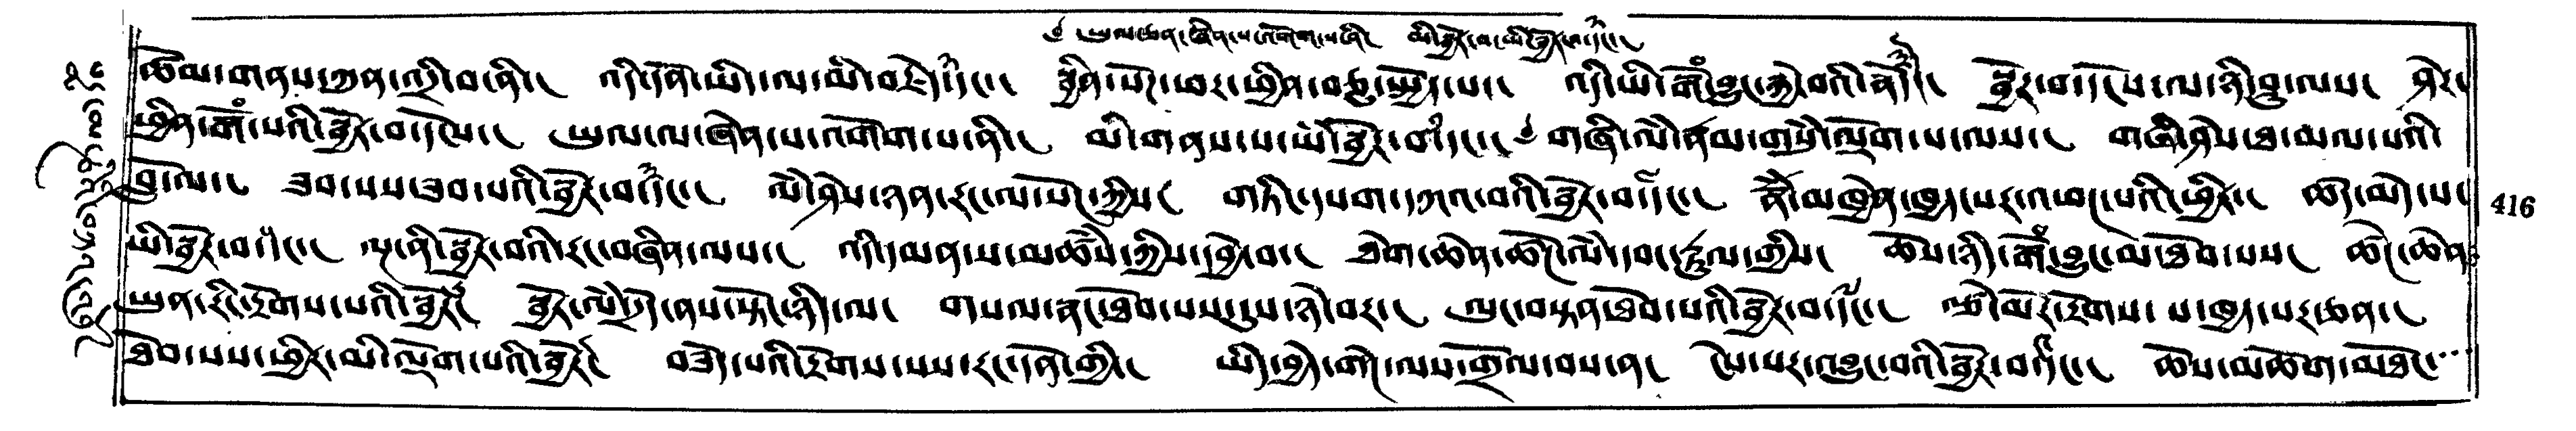ཚོམ་གནས་ཀུན་འདྲི་བ་ནི། །འདི་དོན་ཡིད་ལ་མི་བརྗེད་དང་། །སྦྱིན་སོགས་ཕར་ཕྱིན་བཅུ་སྤྱོད་པ། །འདི་ཡི་སྒོམ་བྱུང་སྐྱེ་བའི་སྣོད། །སྦྱོར་བ་དངོས་ལ་ཉི་ཤུ་ལས། །ཤེར་
ཕྱིན་སྒོམ་པའི་སྦྱོར་བ་དངོས། །ཡུལ་ལ་ཞེན་པ་འགོག་པ་ནི། །མི་གནས་པ་ཡི་སྦྱོར་བ་དང་། །ཡུལ་ཅན་ཞེན་པ་འགོག་པ་ནི། །མི་སྦྱོར་བ་ཡི་སྦྱོར་བ་དང་། །གཞི་ལམ་རྣམ་གསུམ་ལྡོག་པ་ལས། །གཞི་ཤེས་ཐ་མལ་པའི་
བློ་ལ། །ཟབ་པས་ཟབ་པའི་སྦྱོར་བ་དང་། །ལམ་ཤེས་ཉན་རང་ལ་སོགས་ཀྱིས། །གཏིང་དཔག་དཀའ་བའི་སྦྱོར་བ་དང་། །རྣམ་མཁྱེན་ཁྱད་པར་འཕགས་པའི་ཕྱིར། །ཚད་མེད་པ་
ཡི་སྦྱོར་བ་དང་། །ལྔ་ནི་སྦྱོར་བའི་རང་བཞིན་ལས། །འདི་དམན་ས་མཚམས་ཀྱིས་དབྱེ་བ། །ཐེག་ཆེན་ཚོགས་ལམ་དབང་རྟུལ་གྱིས། །ཆོས་ཉིད་སྒོམ་བྱུང་མ་ཐོབ་པས། །ཚེགས་ཆེན་
ཡུན་རིང་རྟོགས་པའི་སྦྱོར། །སྦྱོར་ལམ་དྲོད་ནས་སྟོང་ཉིད་ལ། །གསལ་སྣང་ཐོབ་པས་དུས་ཉེ་བར། །ལུང་བསྟན་ཐོབ་པའི་སྦྱོར་བ་དང་། །རྩེ་མོར་རྟོགས་པ་ཁྱད་པར་ཅན། །
ཐོབ་པས་ཕྱིར་མི་ལྡོག་པའི་སྦྱོར། །བཟོད་པའི་རྟོགས་པས་རང་དོན་གྱི། །ཡིད་བྱེད་གེགས་ལས་གྲོལ་བས་ན། །ངེས་པར་འབྱུང་བའི་སྦྱོར་བ་དང་། །ཆོས་མཆོག་མཐོང་